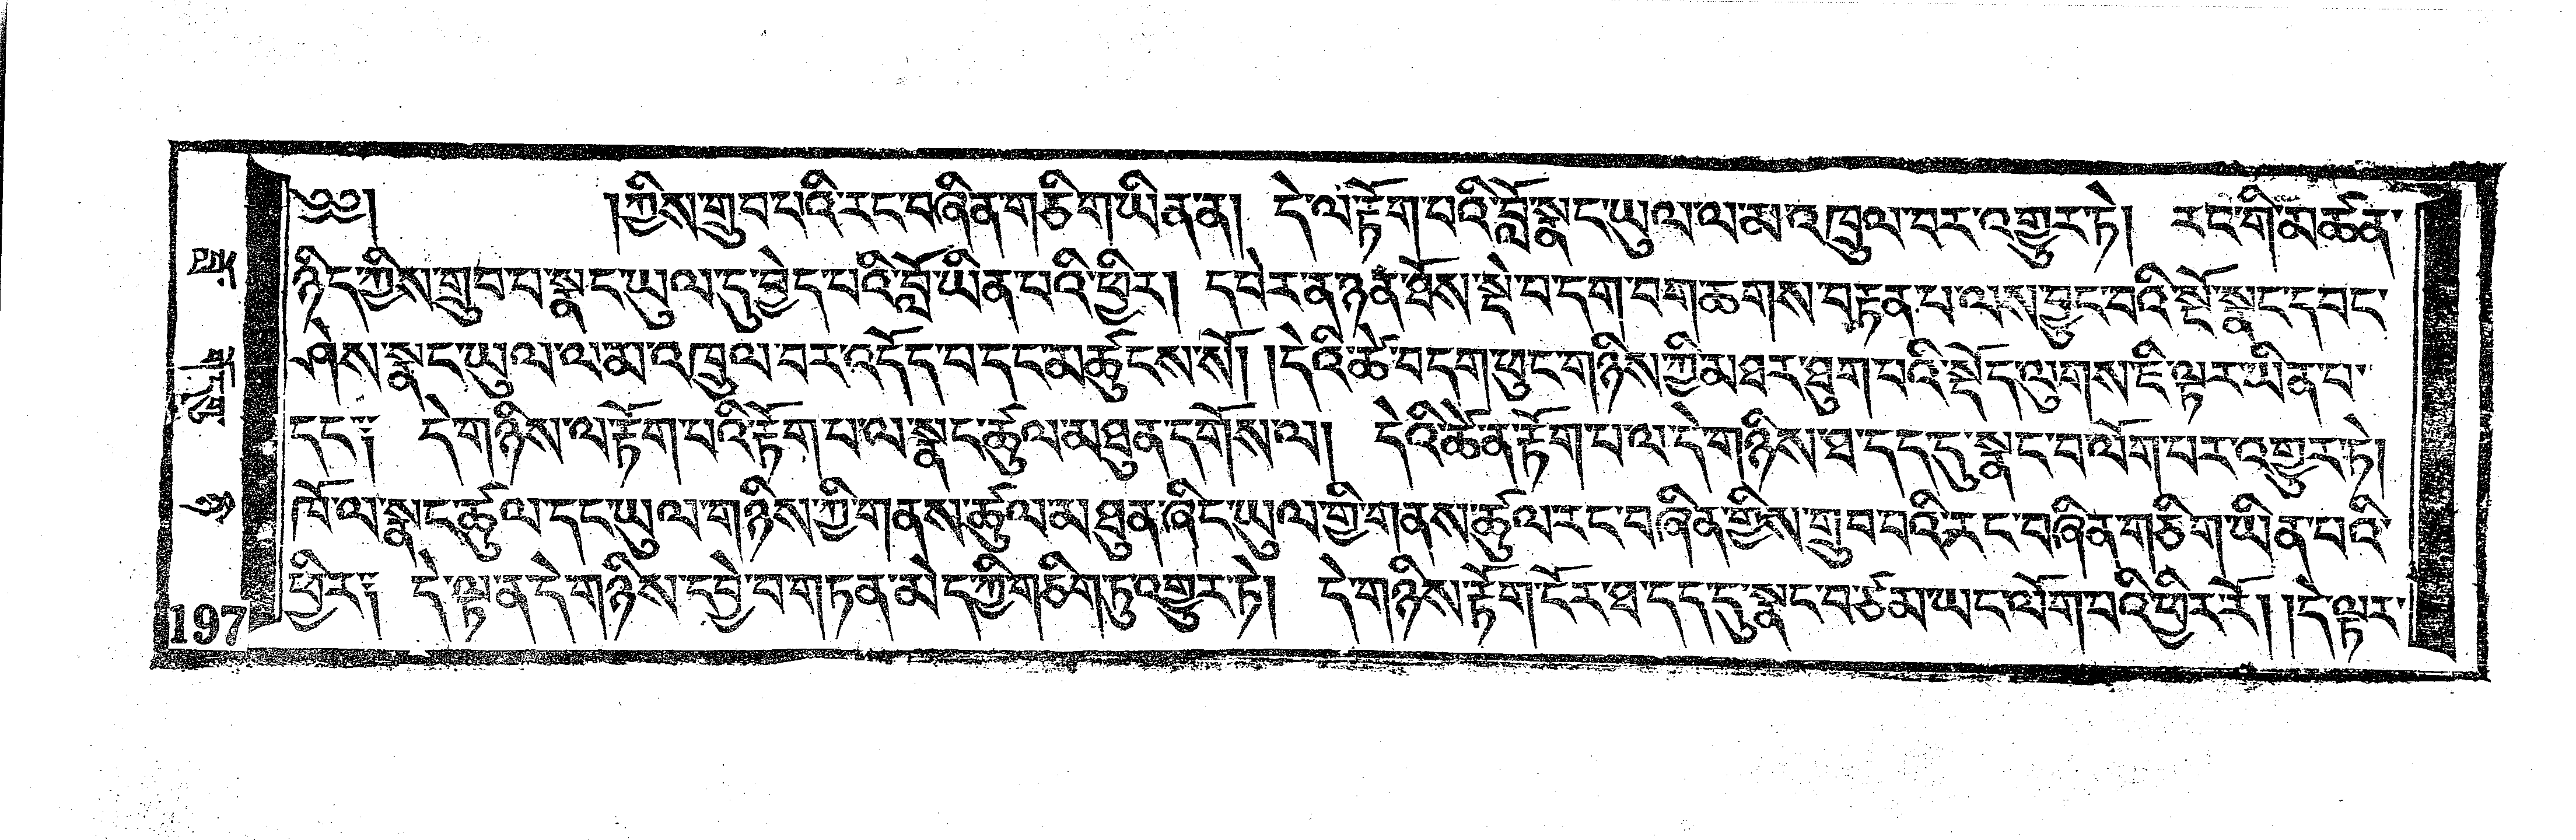༄༅། །ཀྱིས་གྲུབ་པའི་རང་བཞིན་གཅིག་ཡིན་ན། དེ་ལ་རྟོག་པའི་བློ་སྣང་ཡུལ་ལ་མ་འཁྲུལ་བར་འགྱུར་ཏེ། རང་གི་མཚན་
ཉིད་ཀྱིས་གྲུབ་པ་སྣང་ཡུལ་དུ་བྱེད་པའི་བློ་ཡིན་པའི་ཕྱིར། དཔེར་ན་ཉན་ཐོས་སྡེ་པ་དག་བག་ཆགས་བརྟན་པ་ལས་བྱུང་བའི་སྔོ་སྣང་དབང་
ཤེས་སྣང་ཡུལ་ལ་མ་འཁྲུལ་བར་འདོད་པ་དང་མཚུངས་སོ། །དེའི་ཚེ་བདག་ཕུང་གཉིས་ཀྱི་མཐར་ཐུག་པའི་སྡོད་ལུགས་ཇི་ལྟར་ཡིན་པ་
དང༑ དེ་གཉིས་ལ་རྟོག་པའི་རྟོག་པ་ལ་སྣང་ཚུལ་མཐུན་དགོས་ལ། དེའི་ཚེ་ན་རྟོག་པ་ལ་དེ་གཉིས་ཐ་དད་དུ་སྣང་བ་ལོག་པར་འགྱུར་ཏེ།
ཁོ་ལ་སྣང་ཚུལ་དང་ཡུལ་གཉིས་ཀྱི་གནས་ཚུལ་མཐུན་ཞིང་ཡུལ་གྱི་གནས་ཚུལ་རང་བཞིན་གྱིས་གྲུབ་པའི་རང་བཞིན་གཅིག་ཡིན་པའི་
ཕྱིར༑ དེ་ལྟ་ན་དེ་གཉིས་དབྱེ་བ་གཏན་མེད་ཀྱི་གཅིག་ཏུ་འགྱུར་ཏེ། དེ་གཉིས་རྟོག་ངོར་ཐ་དད་དུ་སྣང་བ་ཙམ་ཡང་ལོག་པའི་ཕྱིར་རོ། །དེ་ལྟར་